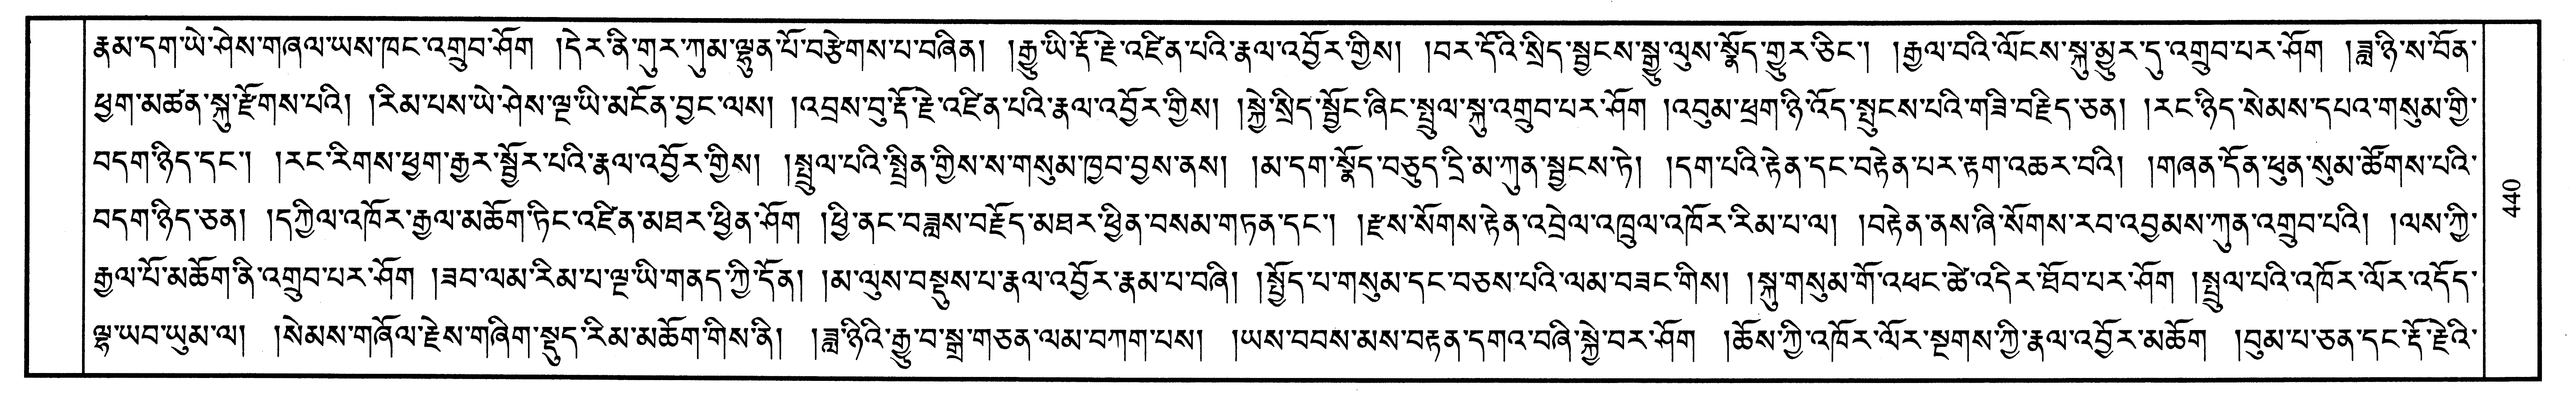རྣམ་དག་ཡེ་ཤེས་གཞལ་ཡས་ཁང་འགྲུབ་ཤོག །དེར་ནི་གུར་ཀུམ་ལྷུན་པོ་བརྩེགས་པ་བཞིན། །རྒྱུ་ཡི་རྡོ་རྗེ་འཛིན་པའི་རྣལ་འབྱོར་གྱིས། །བར་དོའི་སྲིད་སྦྱངས་སྒྱུ་ལུས་སྣོད་གྱུར་ཅིང་། །རྒྱལ་བའི་ལོངས་སྐུ་མྱུར་དུ་འགྲུབ་པར་ཤོག །ཟླ་ཉི་ས་བོན་
ཕྱག་མཚན་སྐུ་རྫོགས་པའི། །རིམ་པས་ཡེ་ཤེས་ལྔ་ཡི་མངོན་བྱང་ལས། །འབྲས་བུ་རྡོ་རྗེ་འཛིན་པའི་རྣལ་འབྱོར་གྱིས། །སྐྱེ་སྲིད་སྦྱོང་ཞིང་སྤྲུལ་སྐུ་འགྲུབ་པར་ཤོག །འབུམ་ཕྲག་ཉི་འོད་སྤུངས་པའི་གཟི་བརྗིད་ཅན། །རང་ཉིད་སེམས་དཔའ་གསུམ་གྱི་
བདག་ཉིད་དང་། །རང་རིགས་ཕྱག་རྒྱར་སྦྱོར་པའི་རྣལ་འབྱོར་གྱིས། །སྤྲུལ་པའི་སྤྲིན་གྱིས་ས་གསུམ་ཁྱབ་བྱས་ནས། །མ་དག་སྣོད་བཅུད་དྲི་མ་ཀུན་སྦྱངས་ཏེ། །དག་པའི་རྟེན་དང་བརྟེན་པར་རྟག་འཆར་བའི། །གཞན་དོན་ཕུན་སུམ་ཚོགས་པའི་
བདག་ཉིད་ཅན། །དཀྱིལ་འཁོར་རྒྱལ་མཆོག་ཏིང་འཛིན་མཐར་ཕྱིན་ཤོག །ཕྱི་ནང་བཟླས་བརྗོད་མཐར་ཕྱིན་བསམ་གཏན་དང་། །རྫས་སོགས་རྟེན་འབྲེལ་འཁྲུལ་འཁོར་རིམ་པ་ལ། །བརྟེན་ནས་ཞི་སོགས་རབ་འབྱམས་ཀུན་འགྲུབ་པའི། །ལས་ཀྱི་
རྒྱལ་པོ་མཆོག་ནི་འགྲུབ་པར་ཤོག །ཟབ་ལམ་རིམ་པ་ལྔ་ཡི་གནད་ཀྱི་དོན། །མ་ལུས་བསྡུས་པ་རྣལ་འབྱོར་རྣམ་པ་བཞི། །སྤྱོད་པ་གསུམ་དང་བཅས་པའི་ལམ་བཟང་གིས། །སྐུ་གསུམ་གོ་འཕང་ཚེ་འདིར་ཐོབ་པར་ཤོག །སྤྲུལ་པའི་འཁོར་ལོར་འདོད་
ལྷ་ཡབ་ཡུམ་ལ། །སེམས་གཞོལ་རྗེས་གཞིག་སྡུད་རིམ་མཆོག་གིས་ནི། །ཟླ་ཉིའི་རྒྱུ་བ་སྒྲ་གཅན་ལམ་བཀག་པས། །ཡས་བབས་མས་བརྟན་དགའ་བཞི་སྐྱེ་བར་ཤོག །ཆོས་ཀྱི་འཁོར་ལོར་སྔགས་ཀྱི་རྣལ་འབྱོར་མཆོག །བུམ་པ་ཅན་དང་རྡོ་རྗེའི་